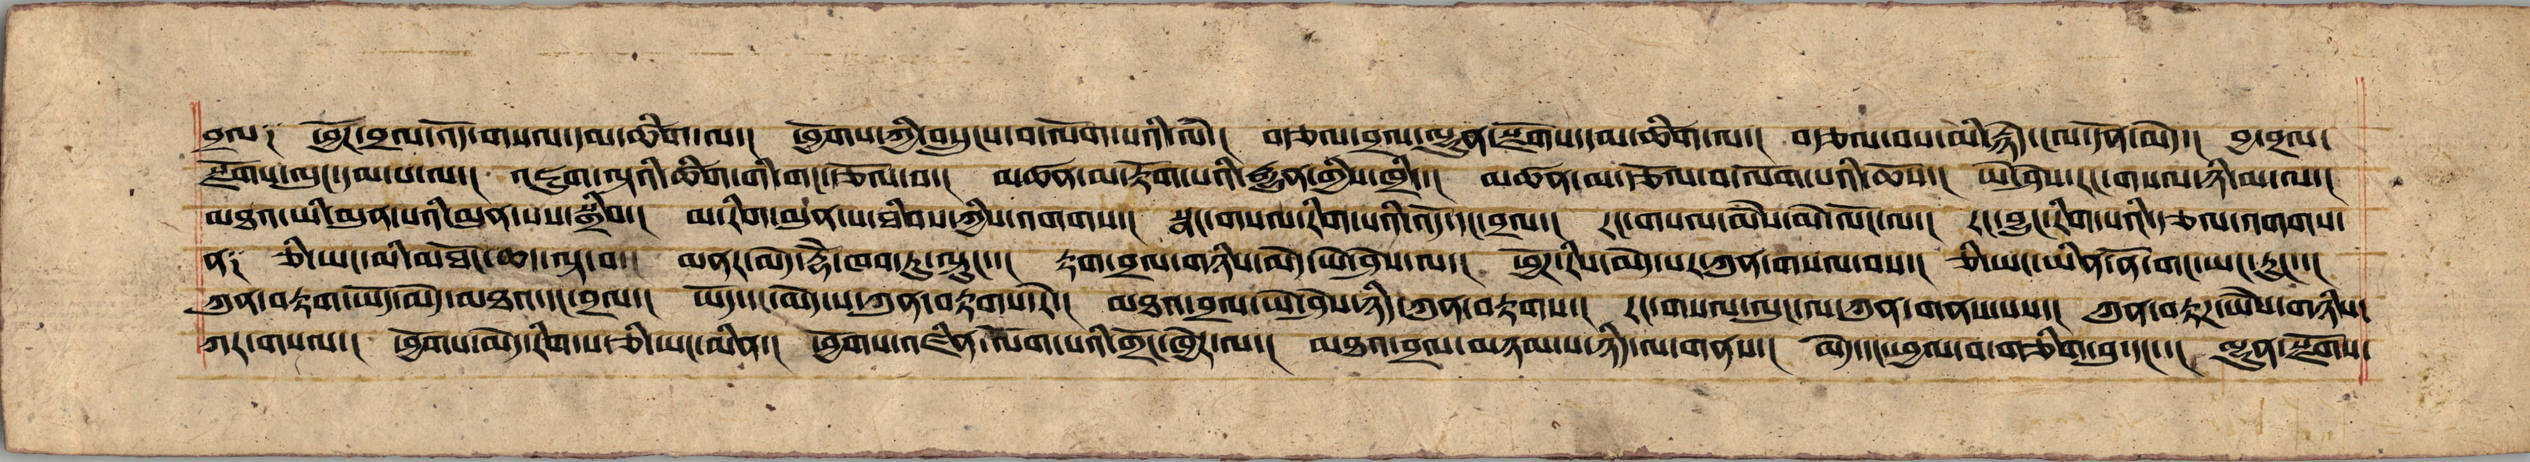བྲལ༑ ཕྱོཌ་བྲལ་འོད་གསལ་དམ་ཚིག་ལ་། ཕྲོགས་ཀྱི་བསྲུངས་བ་ལོག་པའི་ལཾ་། བརྩལ་བྲལ་ལྷུན་སྫོགས་དམ་ཚིག་ལ་། བརྩལ་བས་མི་རྙེད་ངལ་དོན་མེད་། བྱ་བྲལ་
སྫོགས་ལུང་དམ་པ་ལ་། འཇུག་ལྟའི་ཚིག་གི་གང་རྩོལ་བ་། མཚན་མ་རྟོག་པའི་རྒྱུན་གྱིས་ཁྲིད་། མཚན་མ་རྩོལ་བ་ལོག་པའི་ཆོས་། ཡེ་ཤེས་རང་གསལ་ཉི་མ་ལ་།
མཐའ་ཡི་མུན་པའི་མུན་པས་སྒྲིབ་། མ་རིག་མུན་པ་ཐིབས་ཀྱིས་འགགས་། སྣང་གསལ་རིག་པའི་འོད་དང་བྲལ་། རང་གསལ་ཡཻས་མེ་ལོང་ལ་། རང་བྱུང་རིག་པའི་རྩལ་འགགས་
ན༑ ཅི་ཡང་མི་མཐོང་ཆད་ལྟ་བ་། མནར་མེད་རྡོེ་ཁབ་ཏུ་ལྟུང་་། རྟག་བྲལ་གཉིས་མེད་ཡེ་ཤེས་ལ་། ཕྱོཌ་རིས་མེད་པར་ཀུན་གསལ་བས་། ཅི་ཡང་ཡིན་ནོ་གང་ཡང་རུང་་།
ཀུན་བརྟག་ཡོད་མེད་མཐའ་དང་བྲལ་། ཡོད་དང་མེད་པ་ཀུན་བརྟགས་རེ་། མཐའ་བྲལ་ཡེ་ཤེས་ཉིད་ཀུན་བརྟགས་། རང་གསལ་ལུང་ལ་ཀུན་གནས་པས་། ཀུན་བརྟཌ་ཡཻས་གཉིས་
ཀར་གསལ་། ཕྱོགས་མེད་རིག་པ་ཅི་ཡང་མིན་། ཕྱོགས་འཛིན་ལོག་པའི་གྲོང་ཁྱེར་ལ་། མཐའ་བྲལ་མཉམ་པ་ཉིད་ལ་གནས་། མེད་དང་ཕྱལ་བ་གཅིག་བུ་དང་་། ལྷུན་སྫོགས་